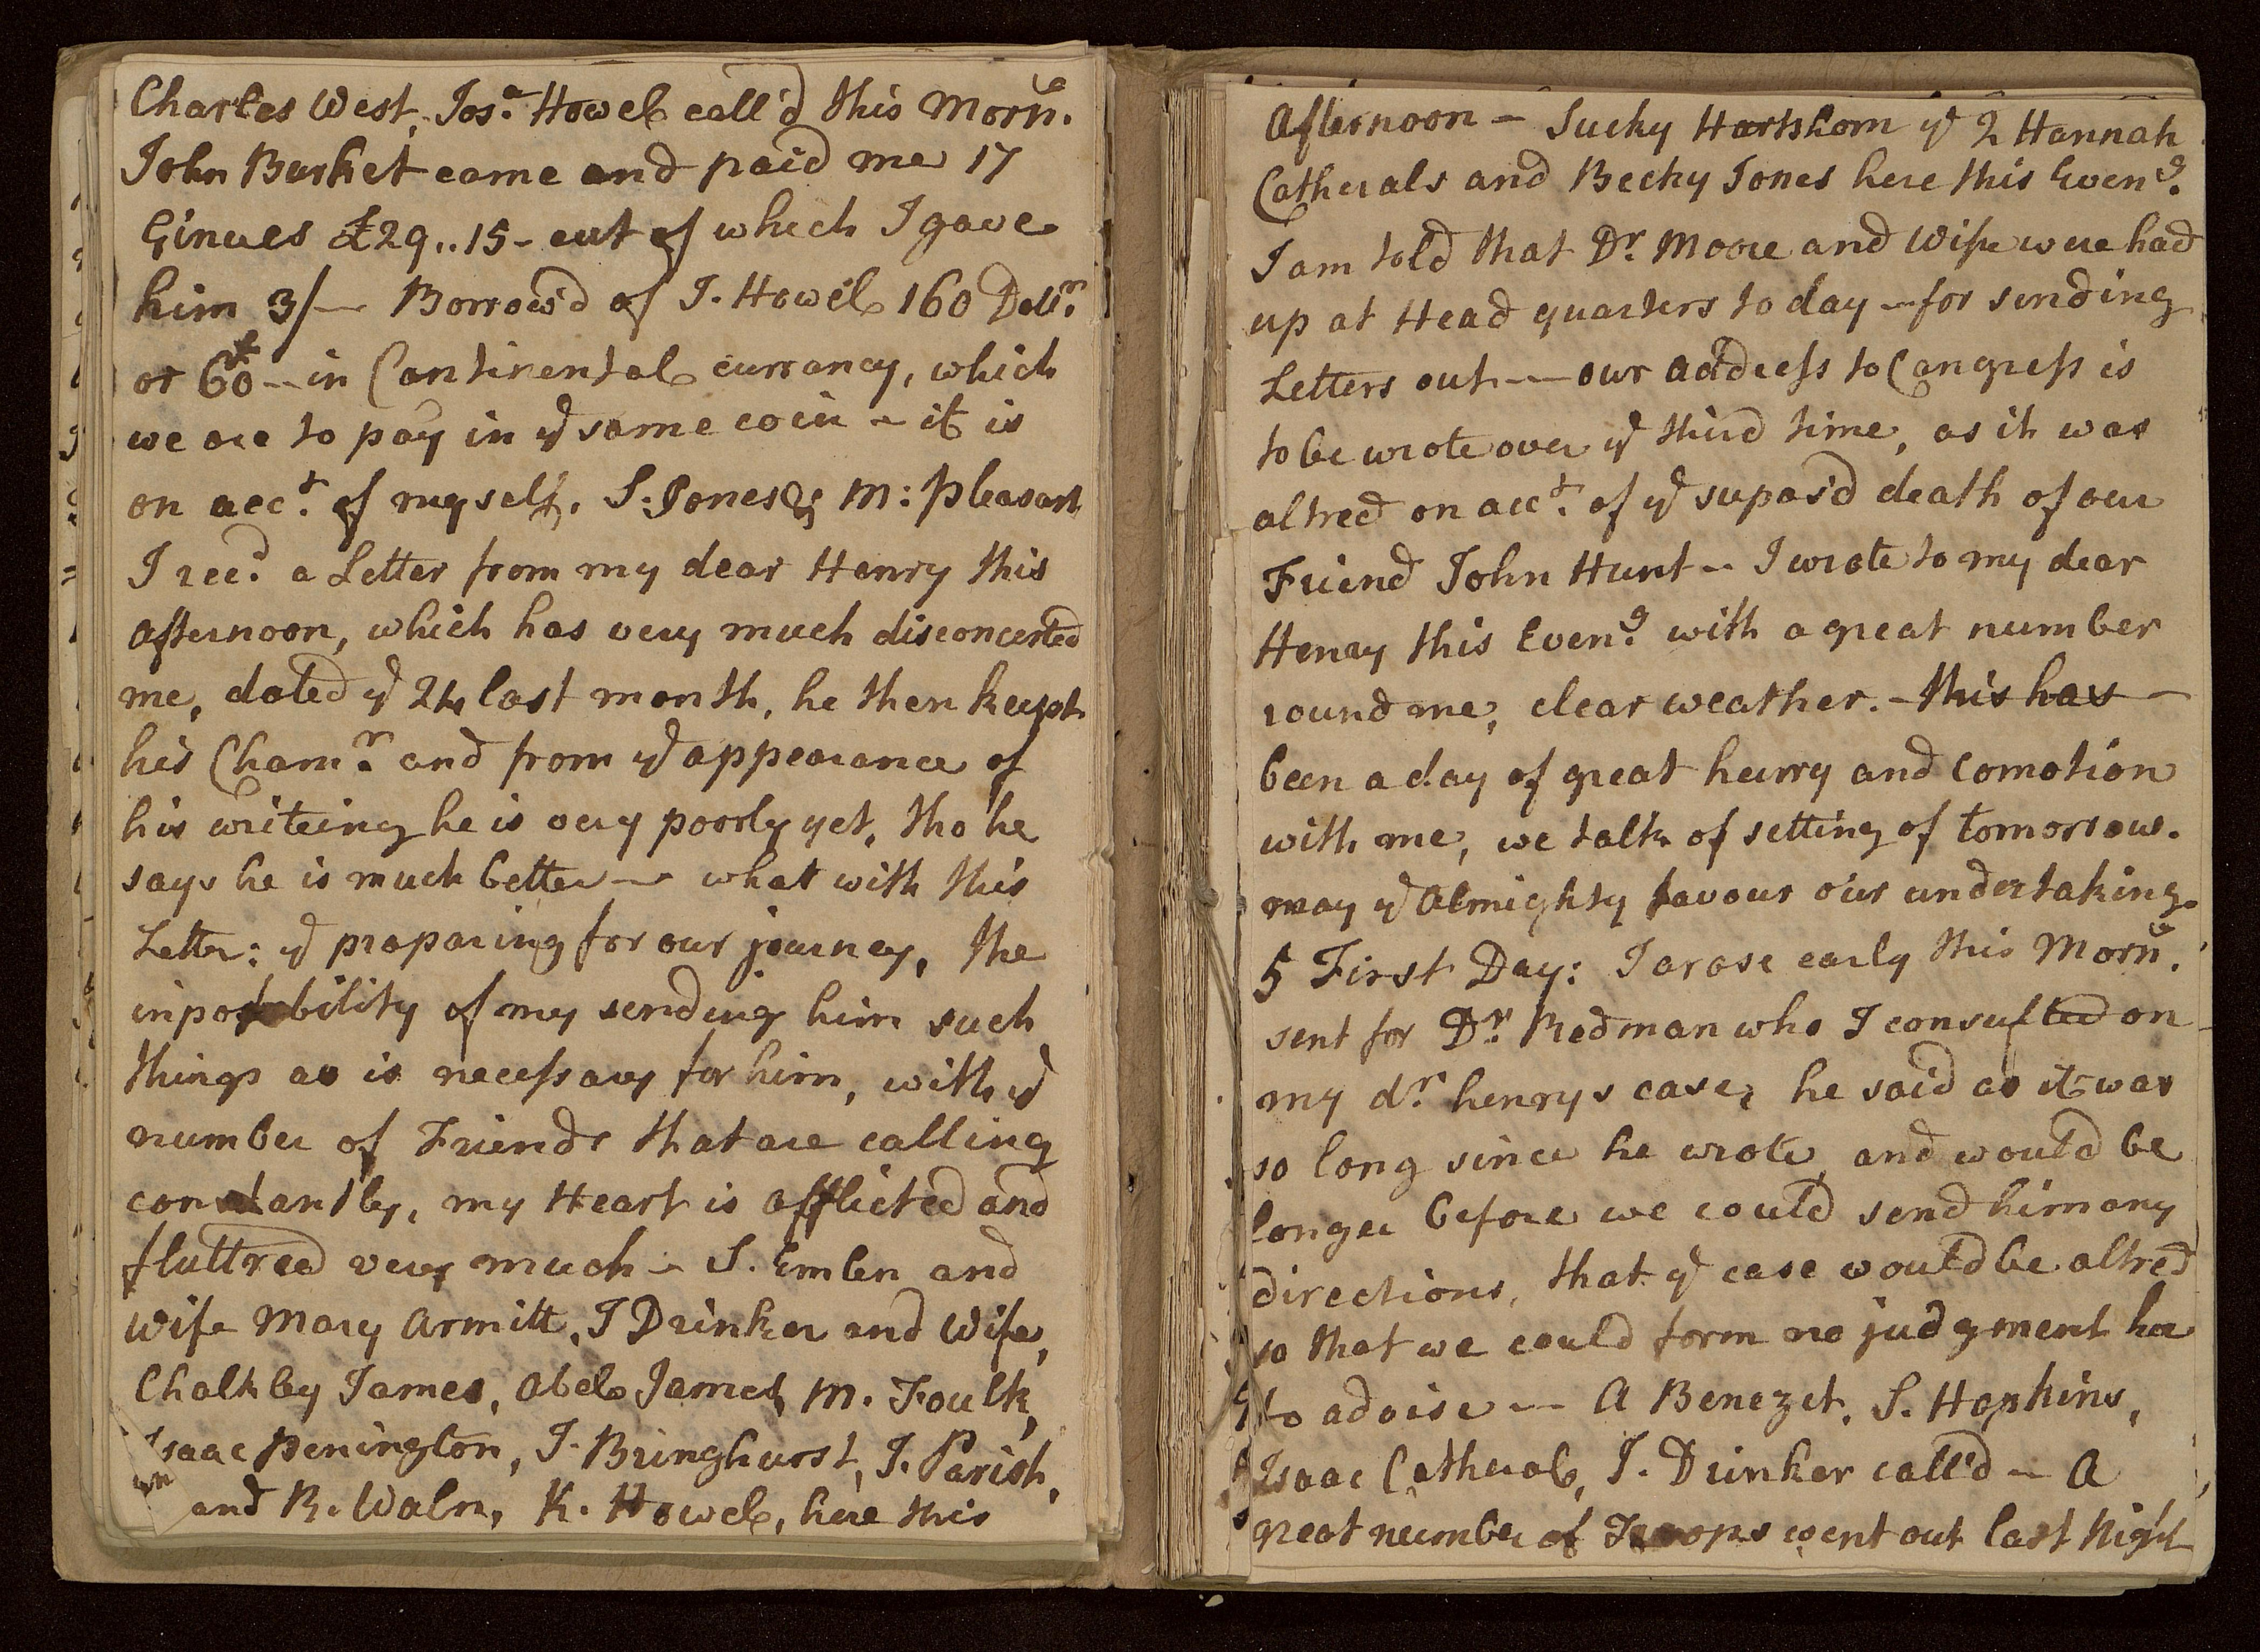Charles West Jos^a. Howel call'd this morn^g.
John Burket came and paid me 17
Ginues £29..15- out of which I gave
him 3s- Borrow'd of J. Howel 160 Doll^r.
or 60^£- in Continental currancy, which
we are to pay in y^e same coin- it is
on acc^t. of myself. S. Jones & M: Pleasant
I rec^d. a Letter from my dear Henry this
afternoon, which has very much disconcerted
me, dated y^e 24 last month, he then keept
he's Cham^r. and from y^e appearance of
his writeing he is very poorly yet, tho he
says he is much better- what with this
Letter: y^e preparing for our journey, the
inpo[ssi]bility of my sending him such
things as is necessary for him, will y^e
number of Friends that are calling
constantly, my Heart is afflicted and
fluttred very much- S. Emlen and
wife Mary Armitt. J Drinker and wife,
Chalkley James, Abel James, M. Foulk,
Isaac Penington, J. Bringhurst, J. Parish
and R. Waln, K. Howel, here this
Afternoon- Sucky Hartshorn y^e 2 Hannah
Catherals and Becky Jones here this Even^g.
I am told that D^r. Moore, and Wife were had
up at Head quarters to day- for sending
Letters out- our address to Cangress is
to be wrote over y^e third time, as it was
altred on acc^t. of y^ supos'd death of our
Friend John Hunt- I wrote to my dear
Henry this Even^g. with a great number
round me, clear weather.- this has-
been a day of great hurry and comotion
with me, we talk of setting of tomorrow.
may y^e Almighty favour our undertaking.
5 First Day: I arose early this Morn^g.
sent for D^r. Redman who I consulted on
my d^r. henrys cases he said as it was
so long since he wrote and would be
longer before we could send him any
directions, that y^e case would be altred
so that we could form no judgment her
to advise- A Benezet, S. Hopkins,
Isaac Catheral, T. Drunker call'd- A
great number of Troops went out last night